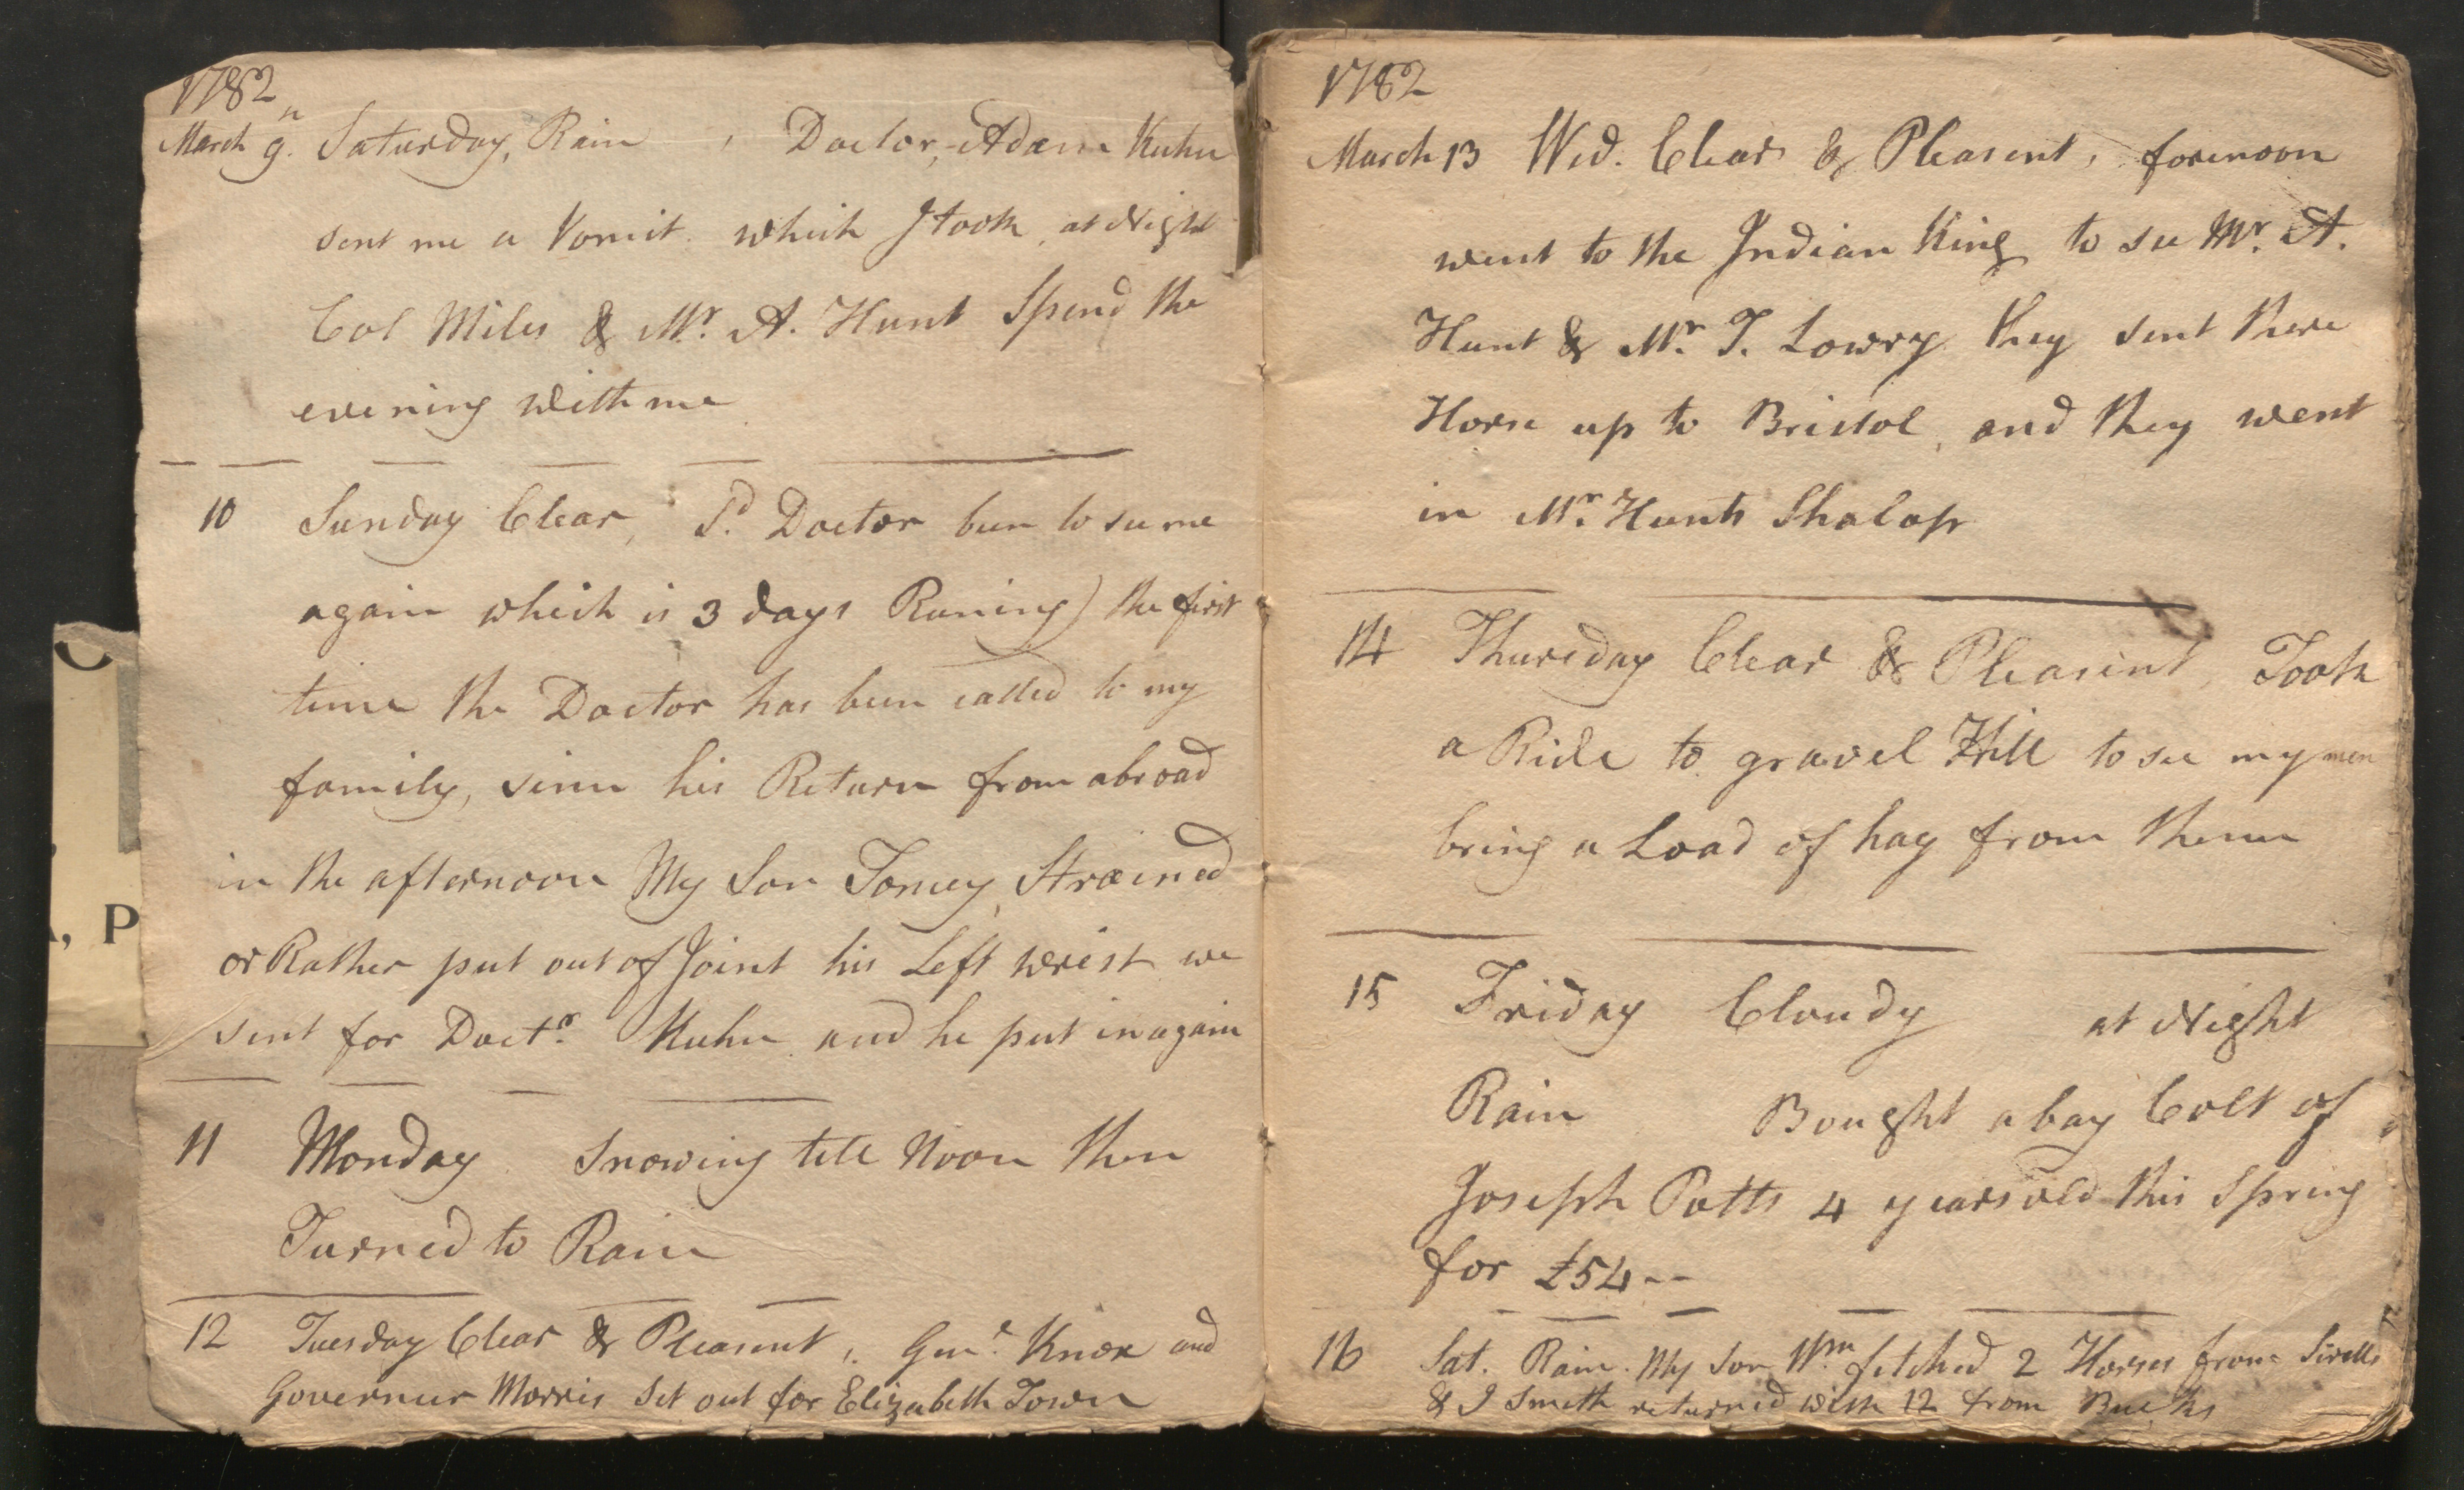1782
March 9^th. Saturday, Rain. Doctor Adam Kuhn
sent me a Vomit which I took at Night
Col Miles & M^r. A. Hunt spend the
evening with me
10 Sunday Clear, s^d. Doctor been to see me
again which is 3 days Runing) the first
time the Doctor has been called to my
family, since his Return from abroad
in the afternoon My Son Tomey Strained
or Rather put out of Joint his Left wrist we
sent for Doct^r. Kuhn and he put in again
11 Monday. Snowing till Noon then
Turned to Rain
12 Tuesday Clear & Pleasent, Gen^l. Knox and
Governur Morris set out for Elizabeth Town
1782
March 13 Wed. Clear & Pleasent, forenoon
went to the Indian King to see M^r. A.
Hunt & M^r. T. Lowry they sent there
Horse up to Bristol and they went
in M^r. Hunts Shalop
14 Thursday Clear & Pleasent Took
a Ride to gravel Hill to see my men
bring a Load of hay from there
15 Friday Cloudy at Night
Rain Bought a bay Colt of
Joseph Potts 4 years old this spring
for £54£
16 Sat. Rain. My Son W^m. fetched 2 Horses from Sirells
& J Smith returned with &c from Bucks